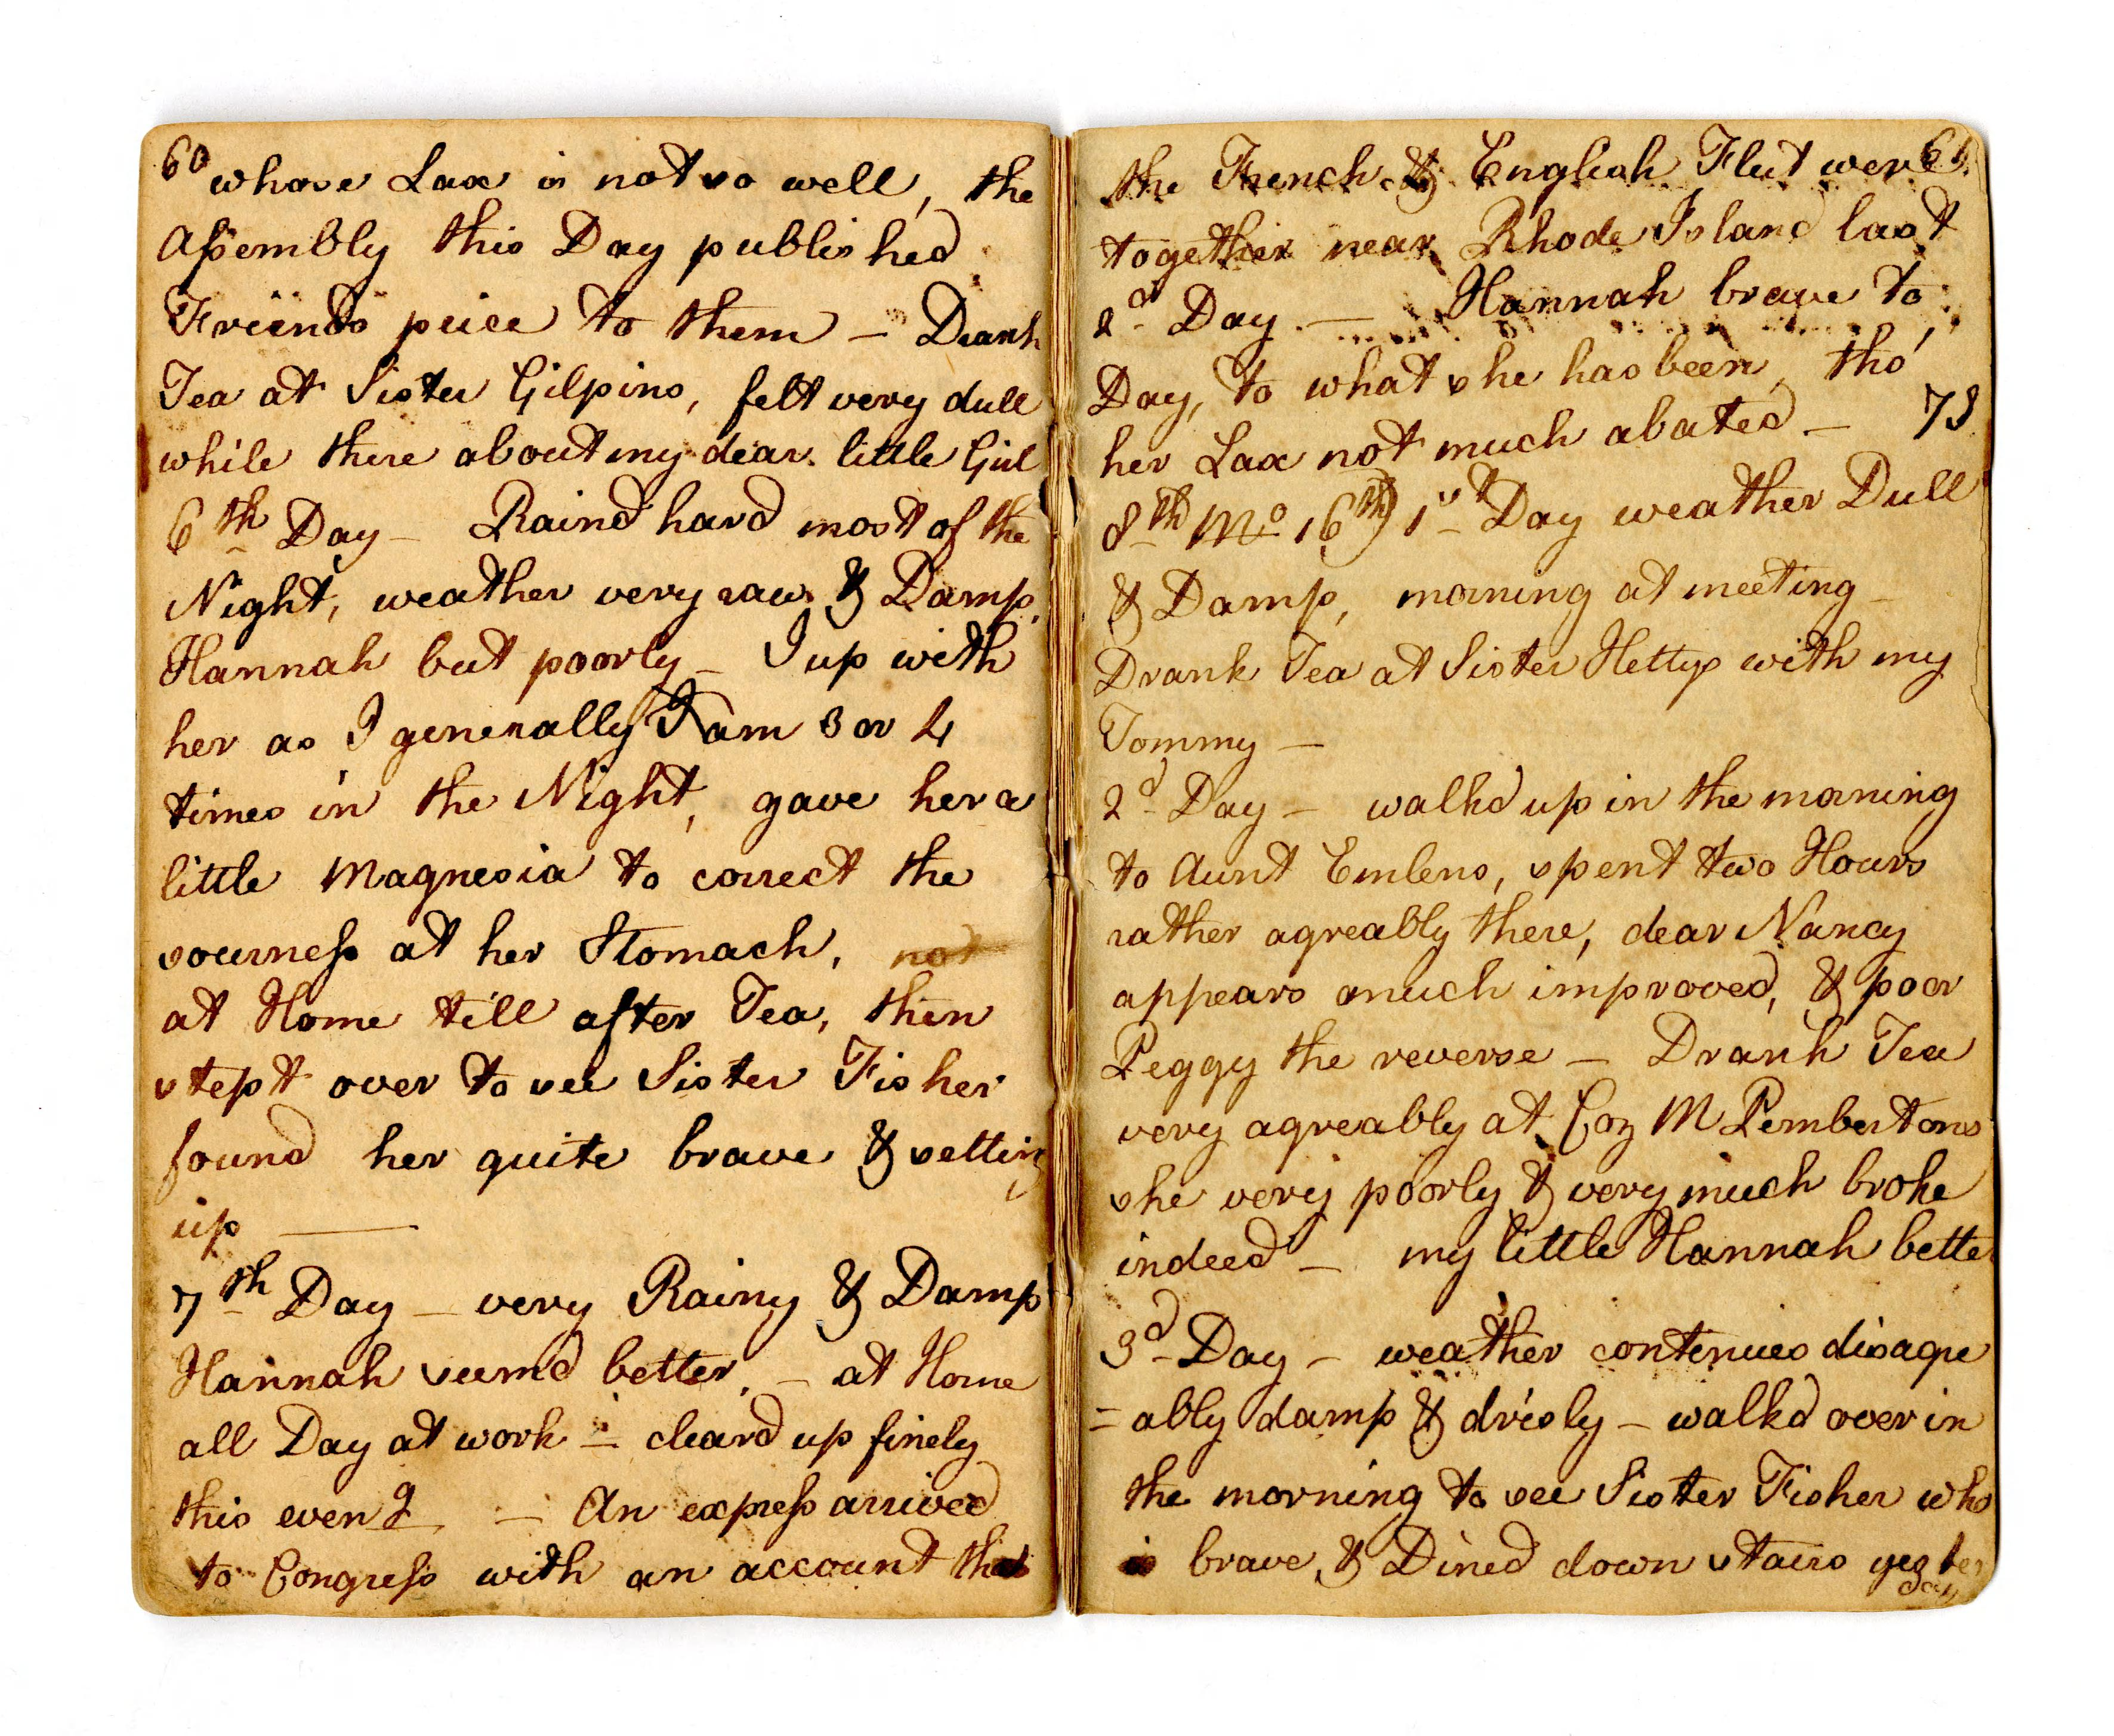60
whose Lax is not so well, the
Assembly this Day published
Friends peice to them- Drank
Tea at Sister Gilpins, felt very dull
while there about my dear little Girl
6^th Day- Raind hard most of the
Night, weather very raw & Damp
Hannah but poorly- I up with
her as I generally I am 3 or 4
times in the Night, gave her a
little Magnesia to correct the
sourness at her Stomach, not
at Home till after Tea, then
stept over to see Sister Fisher
found her quite brave & setting
up-
7^th Day- very Rainy & Damp
Hannah seemd better,- at Home
all Day at work- cleard up finely
this even^g.- An express arrived
to Congress with an account that
61
the French- & English Fleet were
together near Rhode Island last
2^d Day- Hannah brave to
Day, to what she has been, tho'
her Lax not much abated- 7S
8^th M^o 16^th) 1^st Day weather Dull
& Damp, morning at meeting
Drank Tea at Sister Hettys with my
Tommy-
2^d Day- walkd up in the morning
to Aunt Emlens, spent two Hours
rather agreably there, dear Nancy
appears much improved, & poor
Peggy the reverse- Drank Tea
very agreably at Coz M Pembertons
she very poorly & very much broke
indeed- my little Hannah bette
3^d Day- weather continues disagre
-ably damp & drisly- walkd over in
the morning to see Sister Fisher who
brave & Dined down stairs yester
day